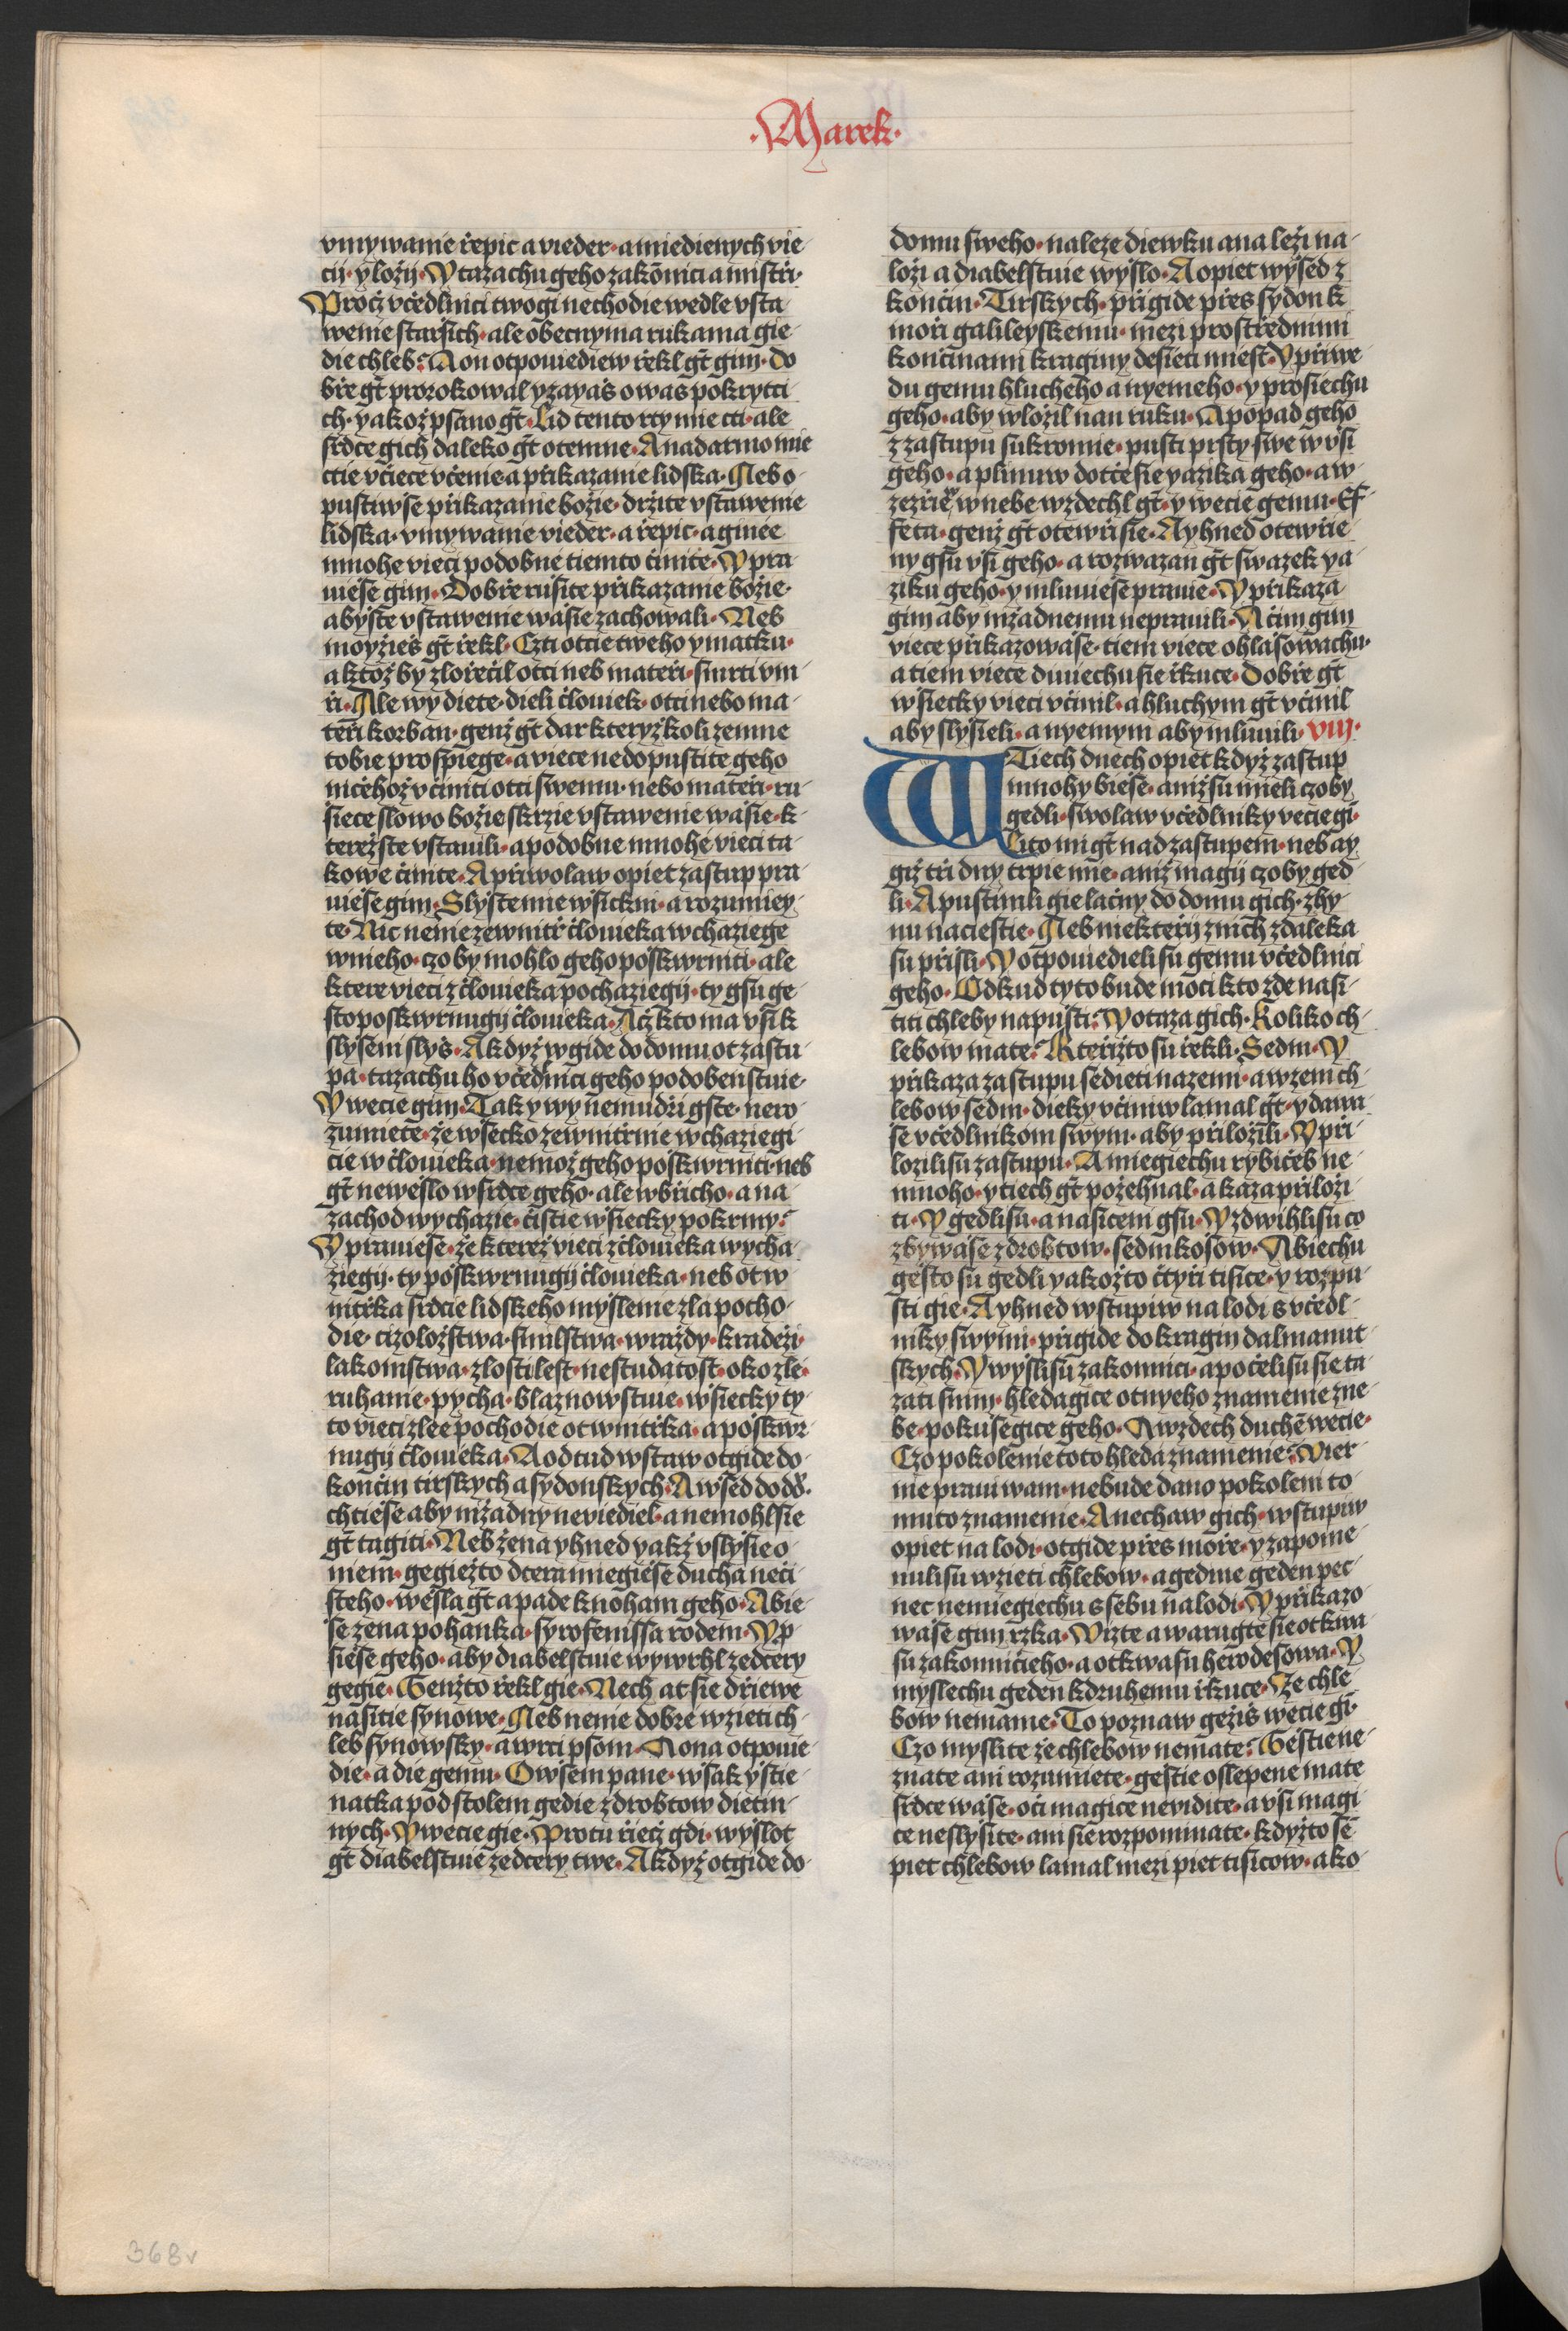vmywaníe ṙepic a vieder.a miedienych vie¬
cij.y lożij.Y tazachu geho zakōnici a miſtṙi.
Procż vċedlnici twogi nechodíe wedle vſta¬
wene ſtarẛich.ale obecnyma rukama gie¬
díe chleb? A on otpouiediew ṙekl ḡt gím.Do¬
bṙe ḡt prorokowal yzayaṡ o was pokrytci¬
ch.yakoż pſano ḡt.Lid tento rty mie ctí.ale
ſrdce gich daleko ḡt otemne.A nadarmo mie
ctíe včiece vċeníe.a pṙikazanie lidſka. Neb o¬
puſtiwẛe pṙikazanie bożíe.drżíte vſtaweníe
lidſka.vmywaníé vieder.a ṙepic.a ginée
mnohe vieci podobné tiemto ċiníte.Y pra¬
uíeẛe gim.Dobṙe ruẛite pṙikazanie bożíe.
abyẛte vſtaweníe waẛie zachowali.Neb
moyżíeṡ ḡt ṙekl.Czti otcie tweho y matku.
a ktoż by zloṙeċil otci neb mateṙi ſmrti vm¬
ṙi.Ale wydiete.díeli ċlouiek.otci nebo ma¬
teṙi korban.genż ḡt dar kteryżkoli zemne
tobie proſpiege.a viece nedopuſtíte geho
niċehož vċiniti otci ſwemu.nebo mateṙi.ru¬
ẛíece ſlowo božíe ſkrzie vſtawenie waẛie.k¬
teréžſte vſtauili.a podobne mnohé vieci ta¬
kowe ċinite.A pṙiwolaw opiet zaſtup pra¬
uíeẛe gím.Slyẛte mie wẛickni.a rozumiey
te.Nic nenié zewnitṙ ċlowieka wchaziege
wnieho.czo by mohlo geho poẛkwrniti.ale
ktere vieci z ċlouieka pochaziegij.ty gſu ge¬
ſto poſkwrnugij ċlouieka.Aċ kto ma vẛi k
ſlyẛení ſlyṡ.Akdyż wgide do domu ot zaſtu¬
pa.tazachu ho vċedlinci geho podobenſtuie.
Y wecie gim.Tak y vy nemudří gſte.nero¬
zumíete.że wẛecko zewnitṙníe wcháziegí¬
cie w ċlouíeka.nemož geho poẛkwrniti.neb
ḡt neweẛlo wſrdce geho.ale wbṙicho.a na¬
zachod wychazíe.ċiſtie wẛiecky pokrmy?
Y prauíeẛe.że ktereż wieci zċlouieka wycha¬
zíeij. ty poẛkwrnugij ċlouieka.nebot w¬
nitṙka ſrdcie lidſkeho myẛlenie zla pocho¬
die.cizoložſtwa.ſmilſtwa.vrażdy.kradeżi.
lakomſtwa.zloſti leſt.neſtudatoſt.oko zlé
ruhaníe.pycha.blaznowſtuíe.wẛiecky ty¬
to wieci zlee pochodíe ot wnitṙka.a poẛkrw¬
nugij ċlouieka.A odtud wſtaw otgide do
konċin tirſkych a ſydonſkych.A wẛed dodov
chtíeẛe aby niżadny neviediel.a nemohl ſie¬
ḡt tagiti.Neb żena yhned yakż vſlyẛie o¬
níem.gegieżto dcera miegieẛe ducha neċi¬
ſteho.weẛla ḡt a pade knoham geho.Abíe¬
ẛe żena pohanka.ſyrofenivſa rodem.Y ꝓ¬
ſieẛe geho.aby diabelſtuíe wywrhl zedcery
gegíe.Genżto ṙekl gíe.Nech at ſie dṙiewe
naſitíe ſynowe.Neb neníe dobré wzíetích
leb ſynowſky.a wrci pſom.A ona otpouíe¬
die.a díe gemu.Owẛem pane.wẛak y ẛtie¬
natka pod ſtolem gedie z drobtow díetín¬
ných.Ywecie gíe.Protu ṙiecż gdi.wyẛlot
ḡt diabelſtuíe ze dcery twe.A kdyż otgíde do¬
domu ſweho.naleze diewku ana leżi na¬
loži a dialelſtuíe wyẛlo.A opiet wyẛed z
koċin.Tirſkych.pṙigide pṙes ſydon k
moṙi galileyſkemu.mezi proſtṙednimi
konċinami kraginy deſieti míeſt.Y pṙiwe¬
du gemu hlucheho a nyemeho.y proſíechu
geho.aby wlożil nan ruku.A popad geho
z zaſtupu ſukromie.puſti prſty ſwe w vẛi
geho.a plinuw dotċe ſie yazika geho.a w¬
zezṙiew wnebe wzdechl ḡt y wecie gemu. Ef¬
feta.genż ḡt otewṙi ſie. A yhned otewṙie¬
ny gſu vẛi geho.a rozwazan ḡt ſwazek ya¬
ziku geho.y mluuieẛe prauie.Y pṙikaza
gím aby niżadnemu neprauili.A ċim gím
víece pṙikazowaẛe.tiem víece ohlaẛowachu.
a tiem víece diuíechu ſie ṙkuce.Dobṙe ḡt
wẛiecky vieci vċinil.a hluchym ḡt vċinil
aby ſlyẛieli.a nyemym aby mluuili.viij.
Tíech dnech opiet kdyż zaſtup
mnohy bíeẛe.aniżſu mieli czoby
gedli.ſwolaw vċedlníky vecie gī.
Lito mi ḡt nad zaſtupem.neb ay
giż tṙi dny trpie mie.aniž magij czoby ged¬
li.A puſimli gie laċny do domu gich.zhy¬
nu nacieſtie. Neb niekteṙij zních zdaleka
ſu pṙiẛli.Y otpouiedieli ſu gemu vċedlníci
geho.Odkud tyto bude moci kto zde naſi¬
titi chleby napuẛti?Yotaza gích.Koliko ch¬
lebow mate?Kteṙiżto ſu ṙekli.Sedm.Y
pṙikáza zaſtupu ſedieti nazemí.a wzem ch¬
lebow ſedm.dieky vċiniw lamal ḡt.y dawa¬
ẛe včedlníkóm ſwym.aby pṙilożili.Y pṙi¬
loziliſu zaſtupu.A miegíechu rybiċeb ne¬
mnoho.ytiech ḡt pożehnal.a kaza pṙilożi¬
ti.Y gedliſu.a naſiceni gſu.Y zdwihli ſu co
zbywaẛe z drobtow. ſedm koẛow. A bíechu
geẛto ſu gedli yakożto ċtyṙi tiſice.y rozpu¬
ſti gie.A yhned wſtupiw naloḋí s vċedl¬
níky ſwymi.pṙigide do kragin dalmanut¬
ſkych.Y wyẛli ſu zakonníci.a poċeli ſu ſie ta¬
zati ſnimi.hledagice ot nyeho znameníe zne¬
be.pokuẛegice geho.A wzdech duchē wecie.
Czo pokoleníe toto hledá znameníe? Vier¬
ne praui wam.nebude dano pokolení to¬
muto znameníe. A nechaw gich.wſtupiw
opiet na lodi.otgíde pṙes moṙe.y zapome¬
nuliſu wzieti chlebow.a gedme geden pec¬
nec nemegíechu sſebu nalodí.Y pṙikazo¬
waẛe gim rzka.Vizte a varugte ſie ot kwa¬
ſu zakonniċieho.a ot kwaſu herodeſowa.Y
myſlechu geden k druhemu ṙkuce.Ze chle¬
bow nemame.To poznaw geżiṡ wecie gī
Czo myſlite że chlebow nemate?Geẛtie ne¬
znat ani rozumiete.geẛtie oſlepene mate
ſrdce waẛe.oċi magice nevidite.a vẛi magí¬
ce neſlyẛite.ani ſie rozpomimate.kdyżto ſē
piet chlebow lamal mezi píet tiſicow.ako¬